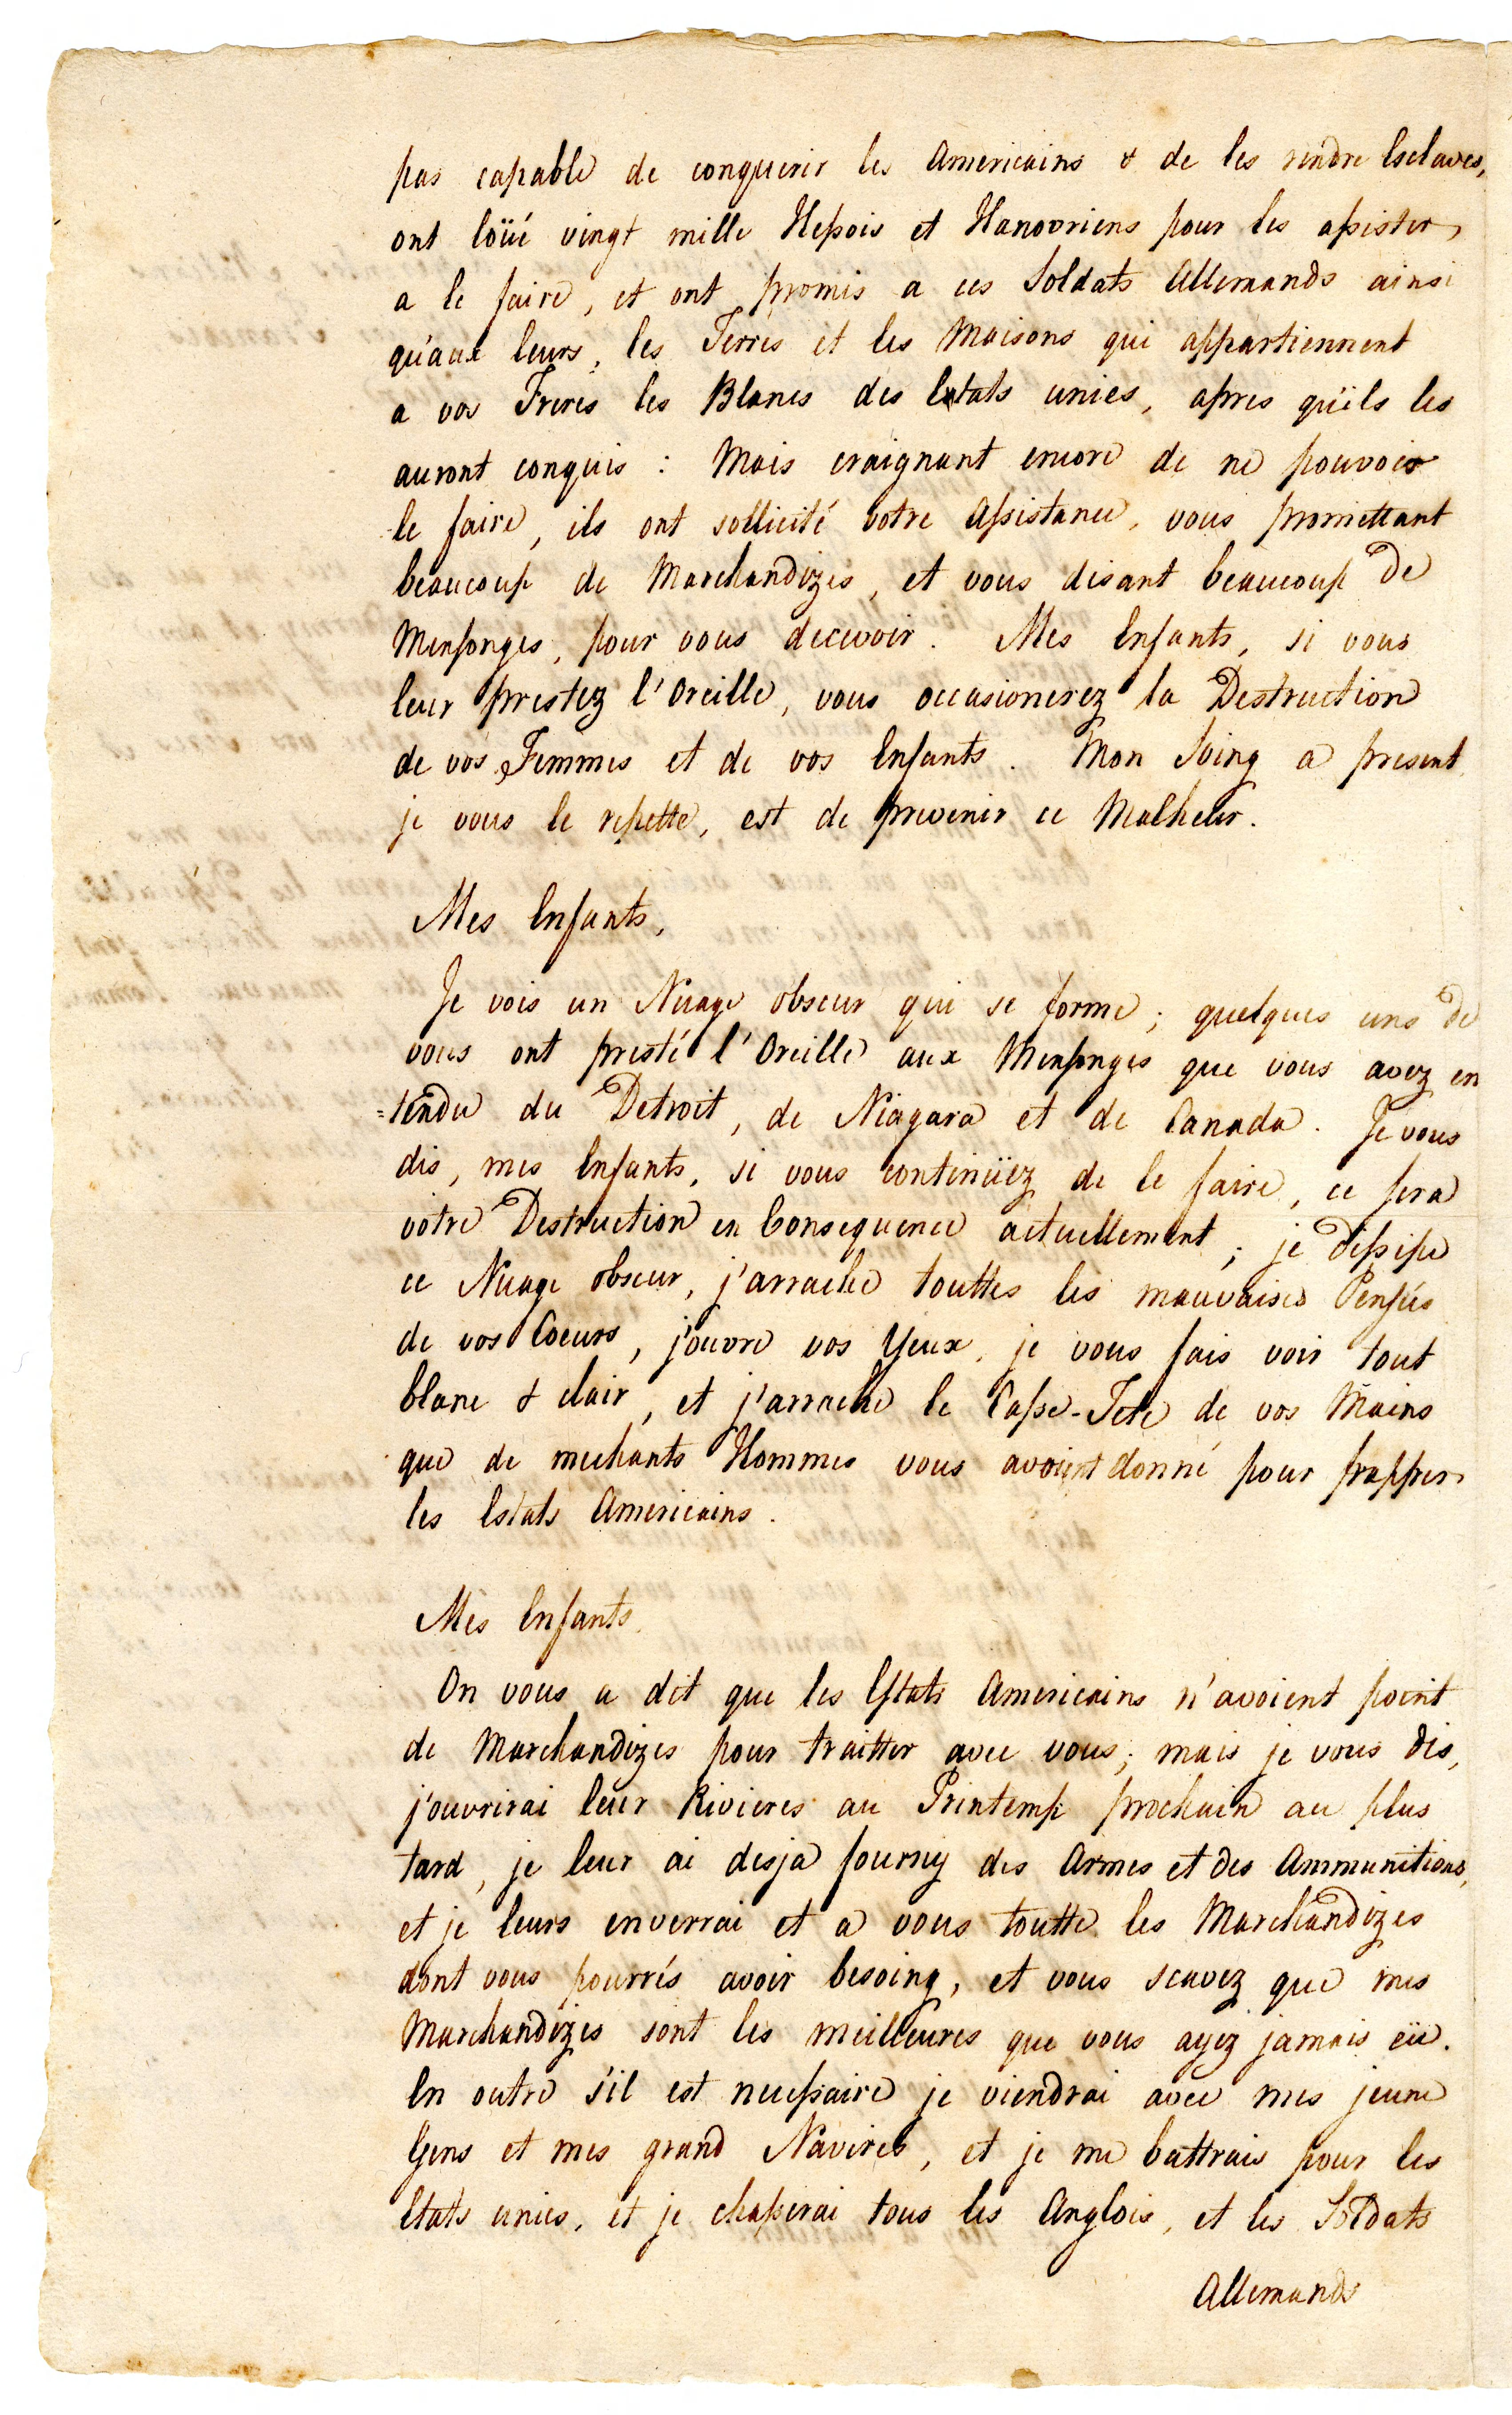pas capable de conquerir les Americains & de les rendre Esclaves
ont loüé vingt mille Hessois et Hanovriens pour les assister
a le faire, et ont promis a ces Soldats Allemands ainsi
qu'aux leurs, les Terres et les Maisons qui appartiennet
a vos Freres les Blancs des Estates unies, apres qu'ils les
auront conquis: Mais craignant encore de ne pouvoir
le faire, ils ont sollicité votre Assistance, vous promettant
beaucoup de Marchandizes, et vous disant beaucoup de
Mensonges, pour vous decevoir. Mes enfants, si vous
leur prestez l'Oreille, vous occasionerez la Destruction
de vos Femmes et de vos Enfants. Mon Soing a present
je vous le repette, est de prevenir ce Malheur.
Mes Enfants,
Je vois un Visage obscure qui se forme; quelques une de
vous ont presté l'oreille aux Mensonge que vous avez en-
-tendu du Detroit, de Niagara, et de Canada. Je vous
dis, mes Enfants, si vous continüez de le faire, ce sera
votre Destruction en Consequence actuellement; je depisse
ce Nuage obscur, j'arrache touttes les mauvaises Pensés
de vos Coeurs, j'ouvre vos Yeux, je vous fais vois tout
blanc & clair, et j'arrache le Casse-Tete de vos Mains
que de mechánts Hommes vous avoint donné pour frapper
les Estats Americains
Mes Enfants,
On vous a dit que les Estats Americains n'avoient point
de Marchandizes pour traitter avec vous; mais je vous dis
j'ouvrirai leur Rivieres au Printemp prochain au plus
tard, je leur ai desja Journey des Armes et des Ammunitions
et je leurs enverrai et a vous toutte les Marchandizes
dont vous pourrés avoir besoing, et vous senvez qui mes
Marchandizes sont les meilleures que vous ayez jamais eü.
En outre s'il est necessaire je viendrai avec mes jeune
Gens et mes grand Navires, et je me battrais pour les
Etats unies, et je chaperai tous les Anglois, et les Soldats
Allemands